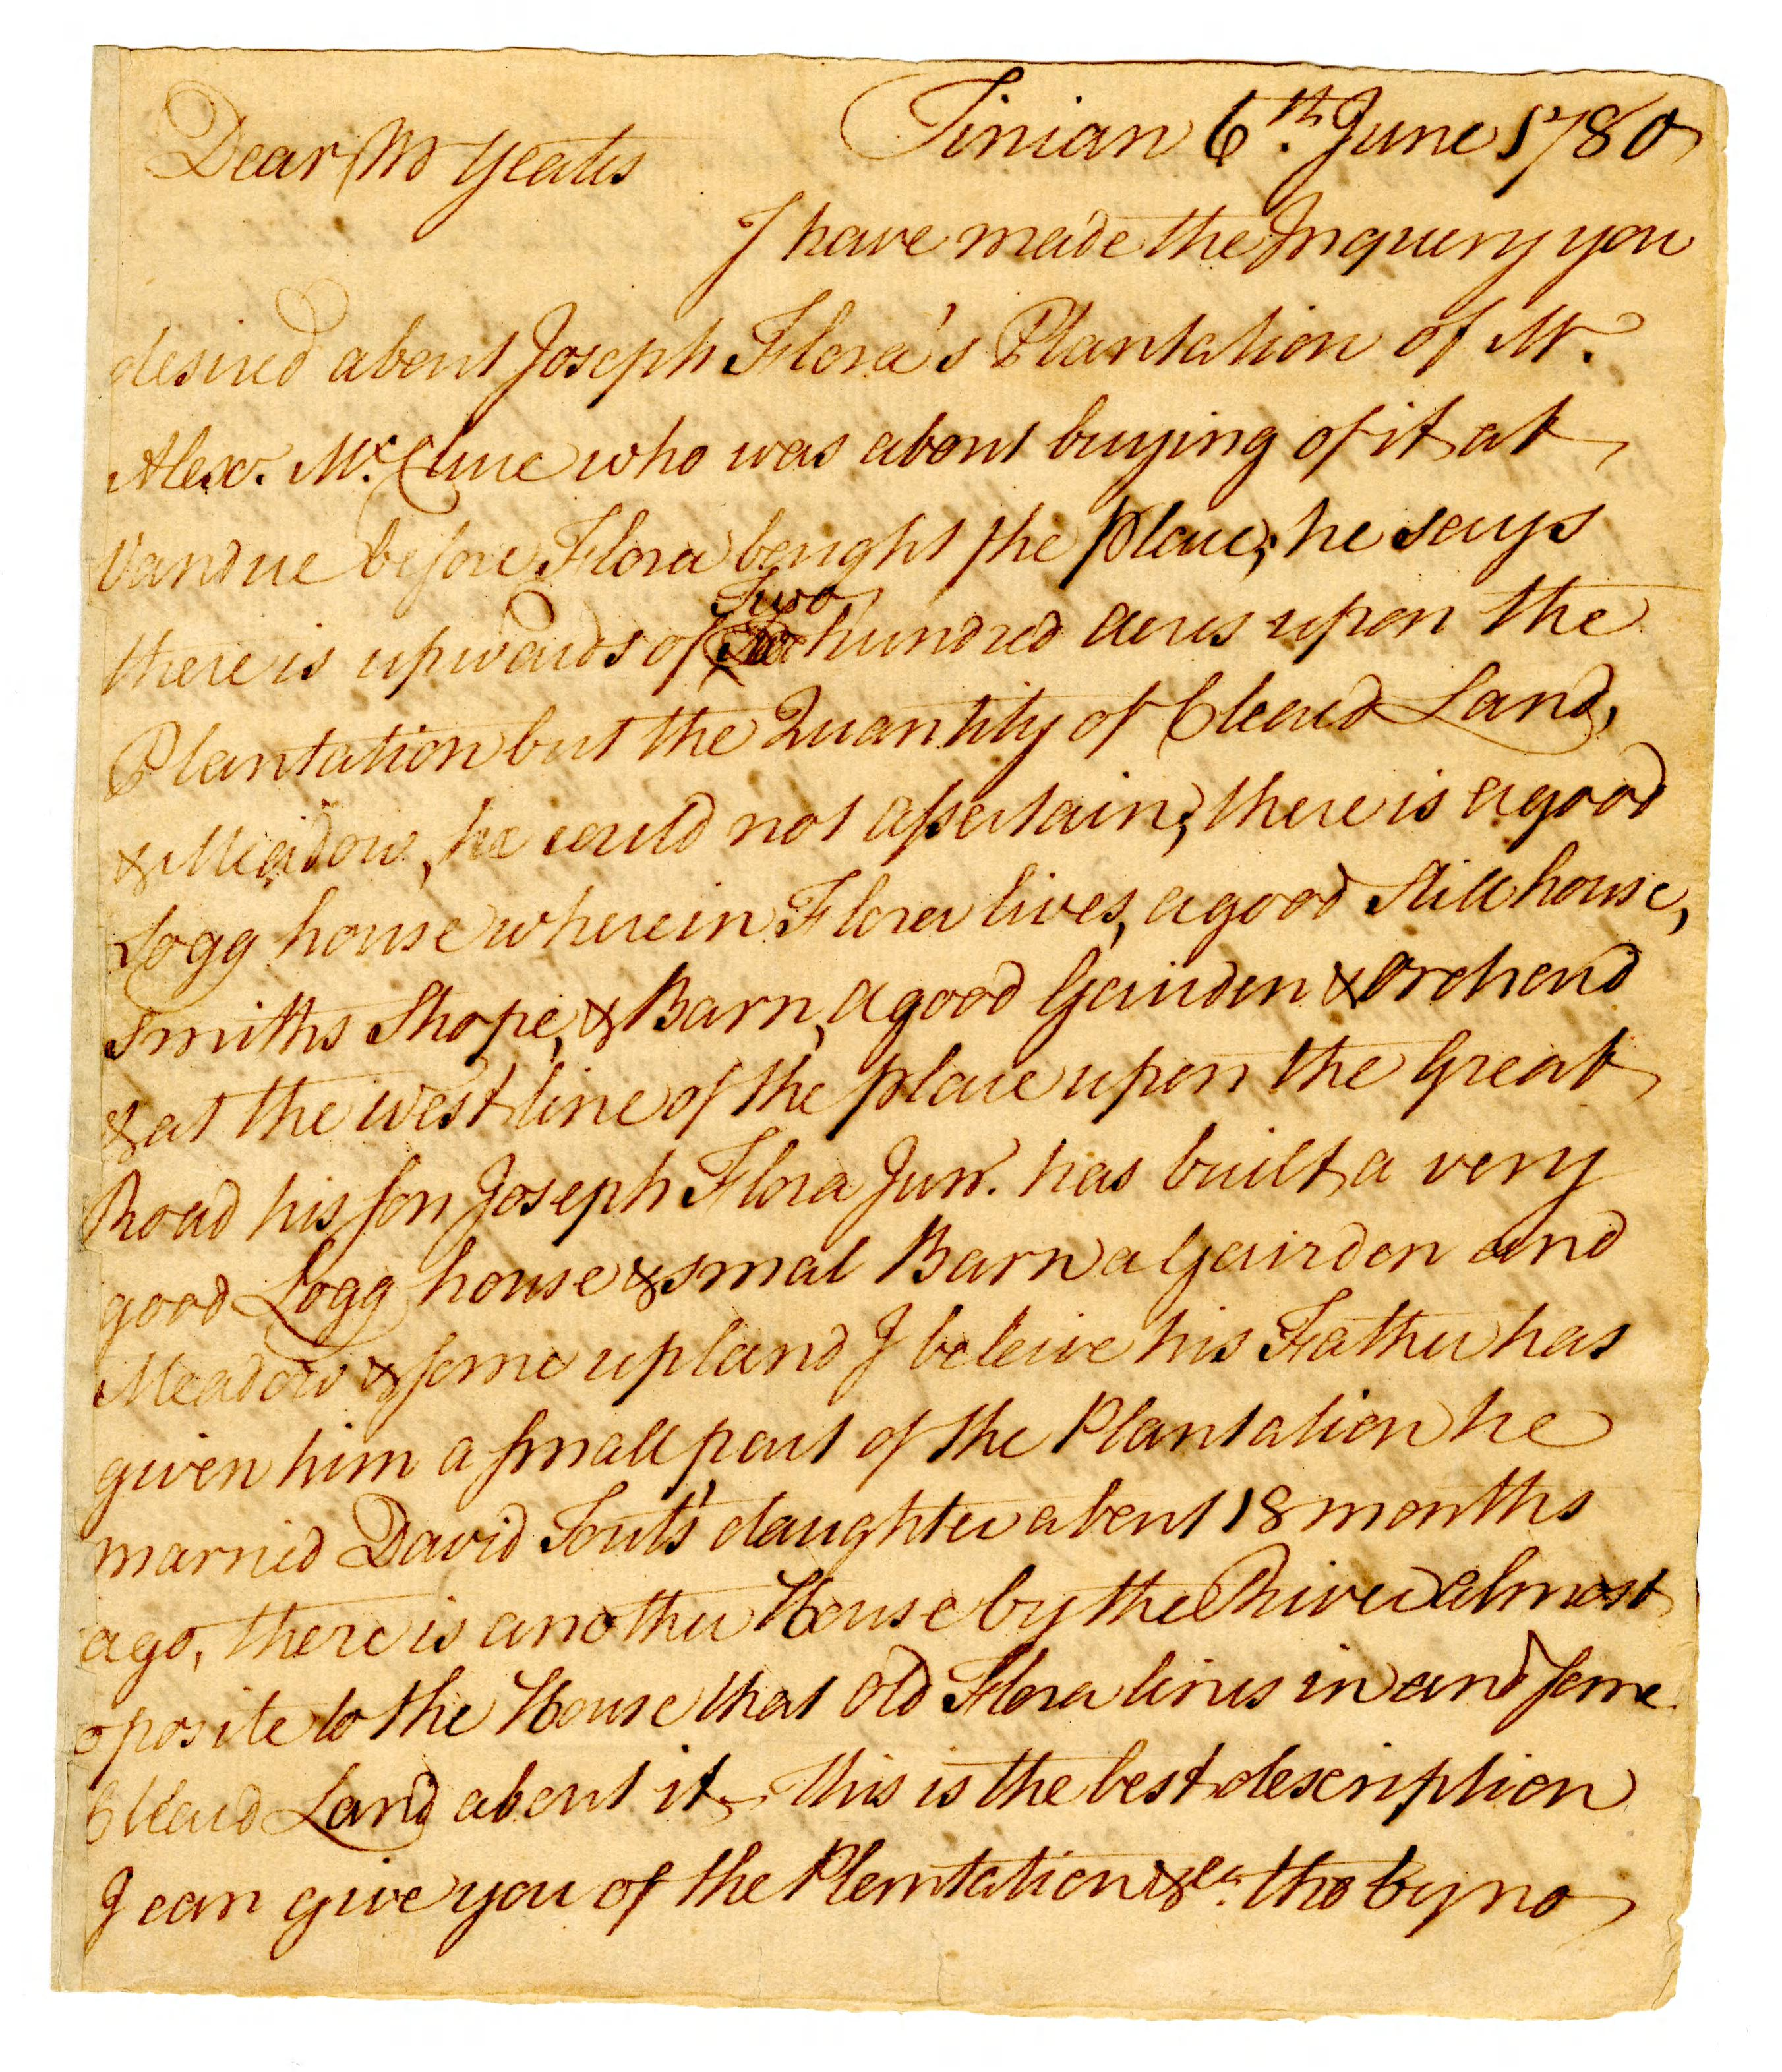Tinian 6^th June 1780
Dear M^r Yeates
I have made the Inquiry you
desired about Joseph Flora's Plantation of M.
Alex^r. M^r. Clure who was about buying of it at
Vandue before Flora bought the Place; he says
two
there is upwards of ^ hundred acres upon the
Plantation but the Quantity of Cleared Land,
& Meadow he could nor assertain, there is a good
Logg house wherein Flora lives, a good Stillhouse,
Smiths Shape, & Barn, a good Garden & Orchard
& at the west line of the place upon the Great
Road his son Joseph Flora Jun. has built a very
good Logg house & small Barn a Garden and
Meadow & some upland I believe his Father has
given him a small part of the Plantation he
married David Foul's daughter about 18 months
ago, there is another House by the River almost
oposite to the House that old Flora lives in and some
Cleared Land about it. This is the best description
I can give you of the Plantations &c. tho by no